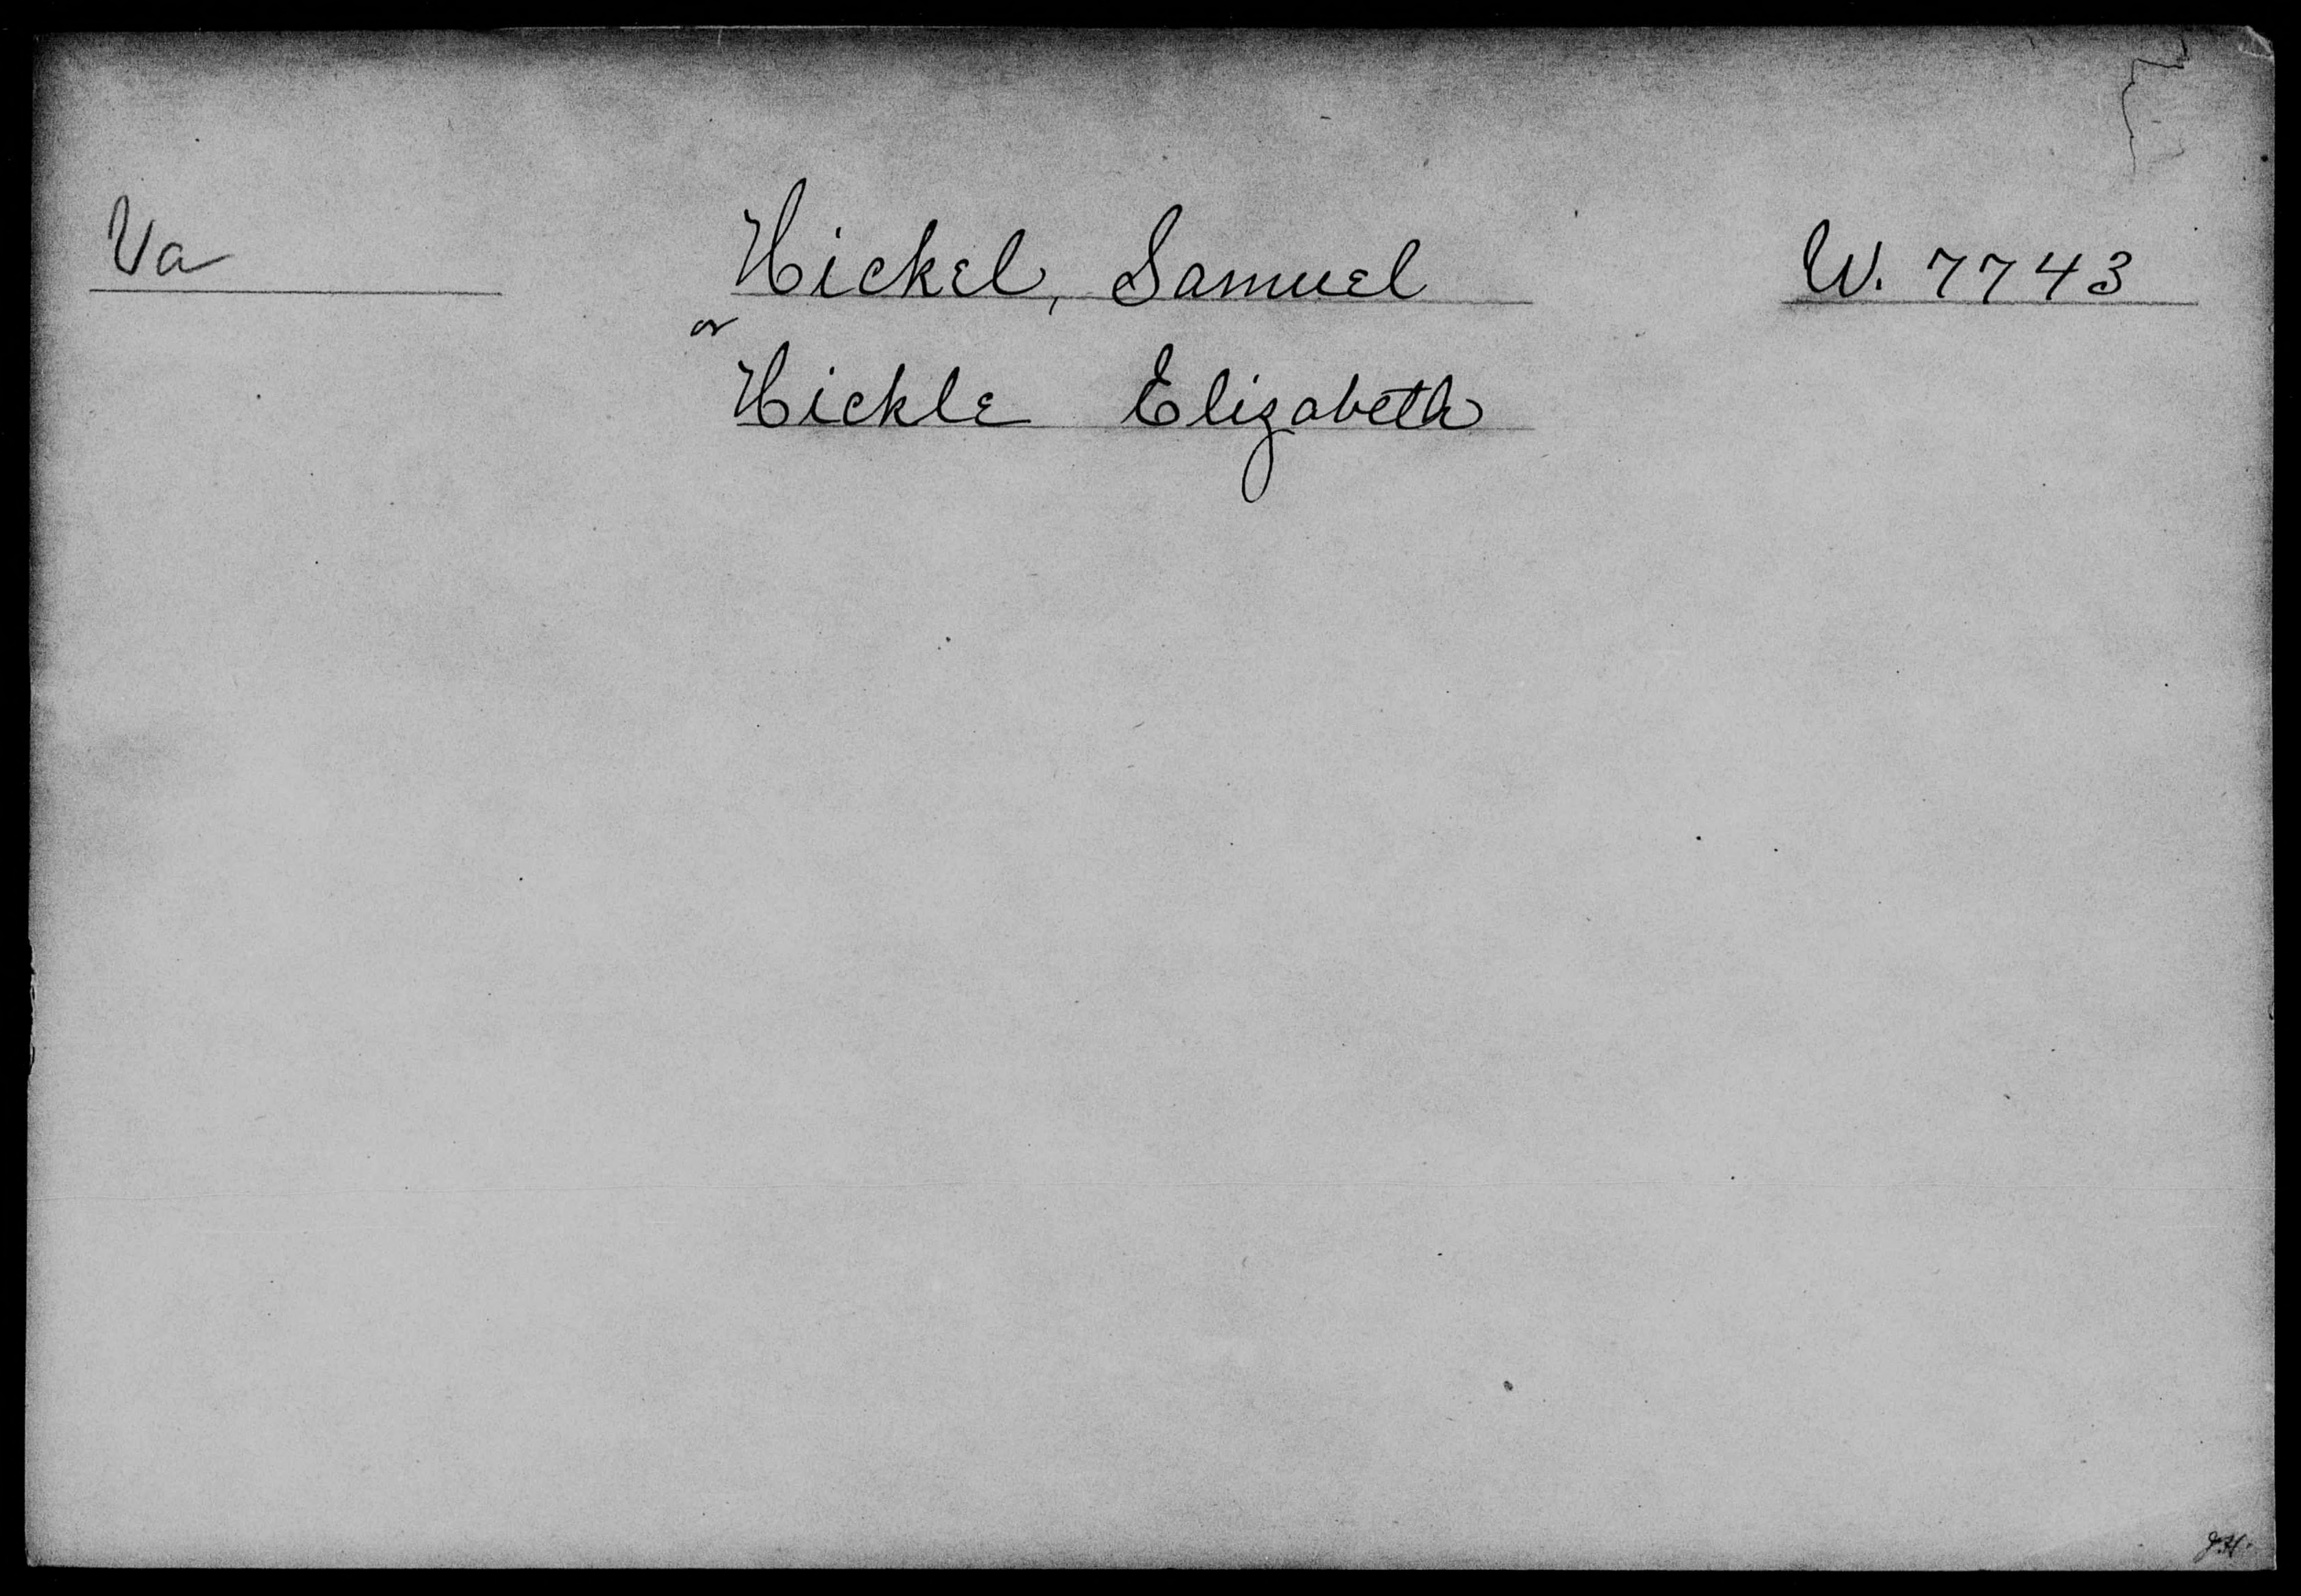Va		Hickel, Samuel		W. 7743
		or
		Hickle Elizabeth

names: Samuel Hickle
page: 1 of 2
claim: widow's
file: W. 7743, Samuel Hickel, Va